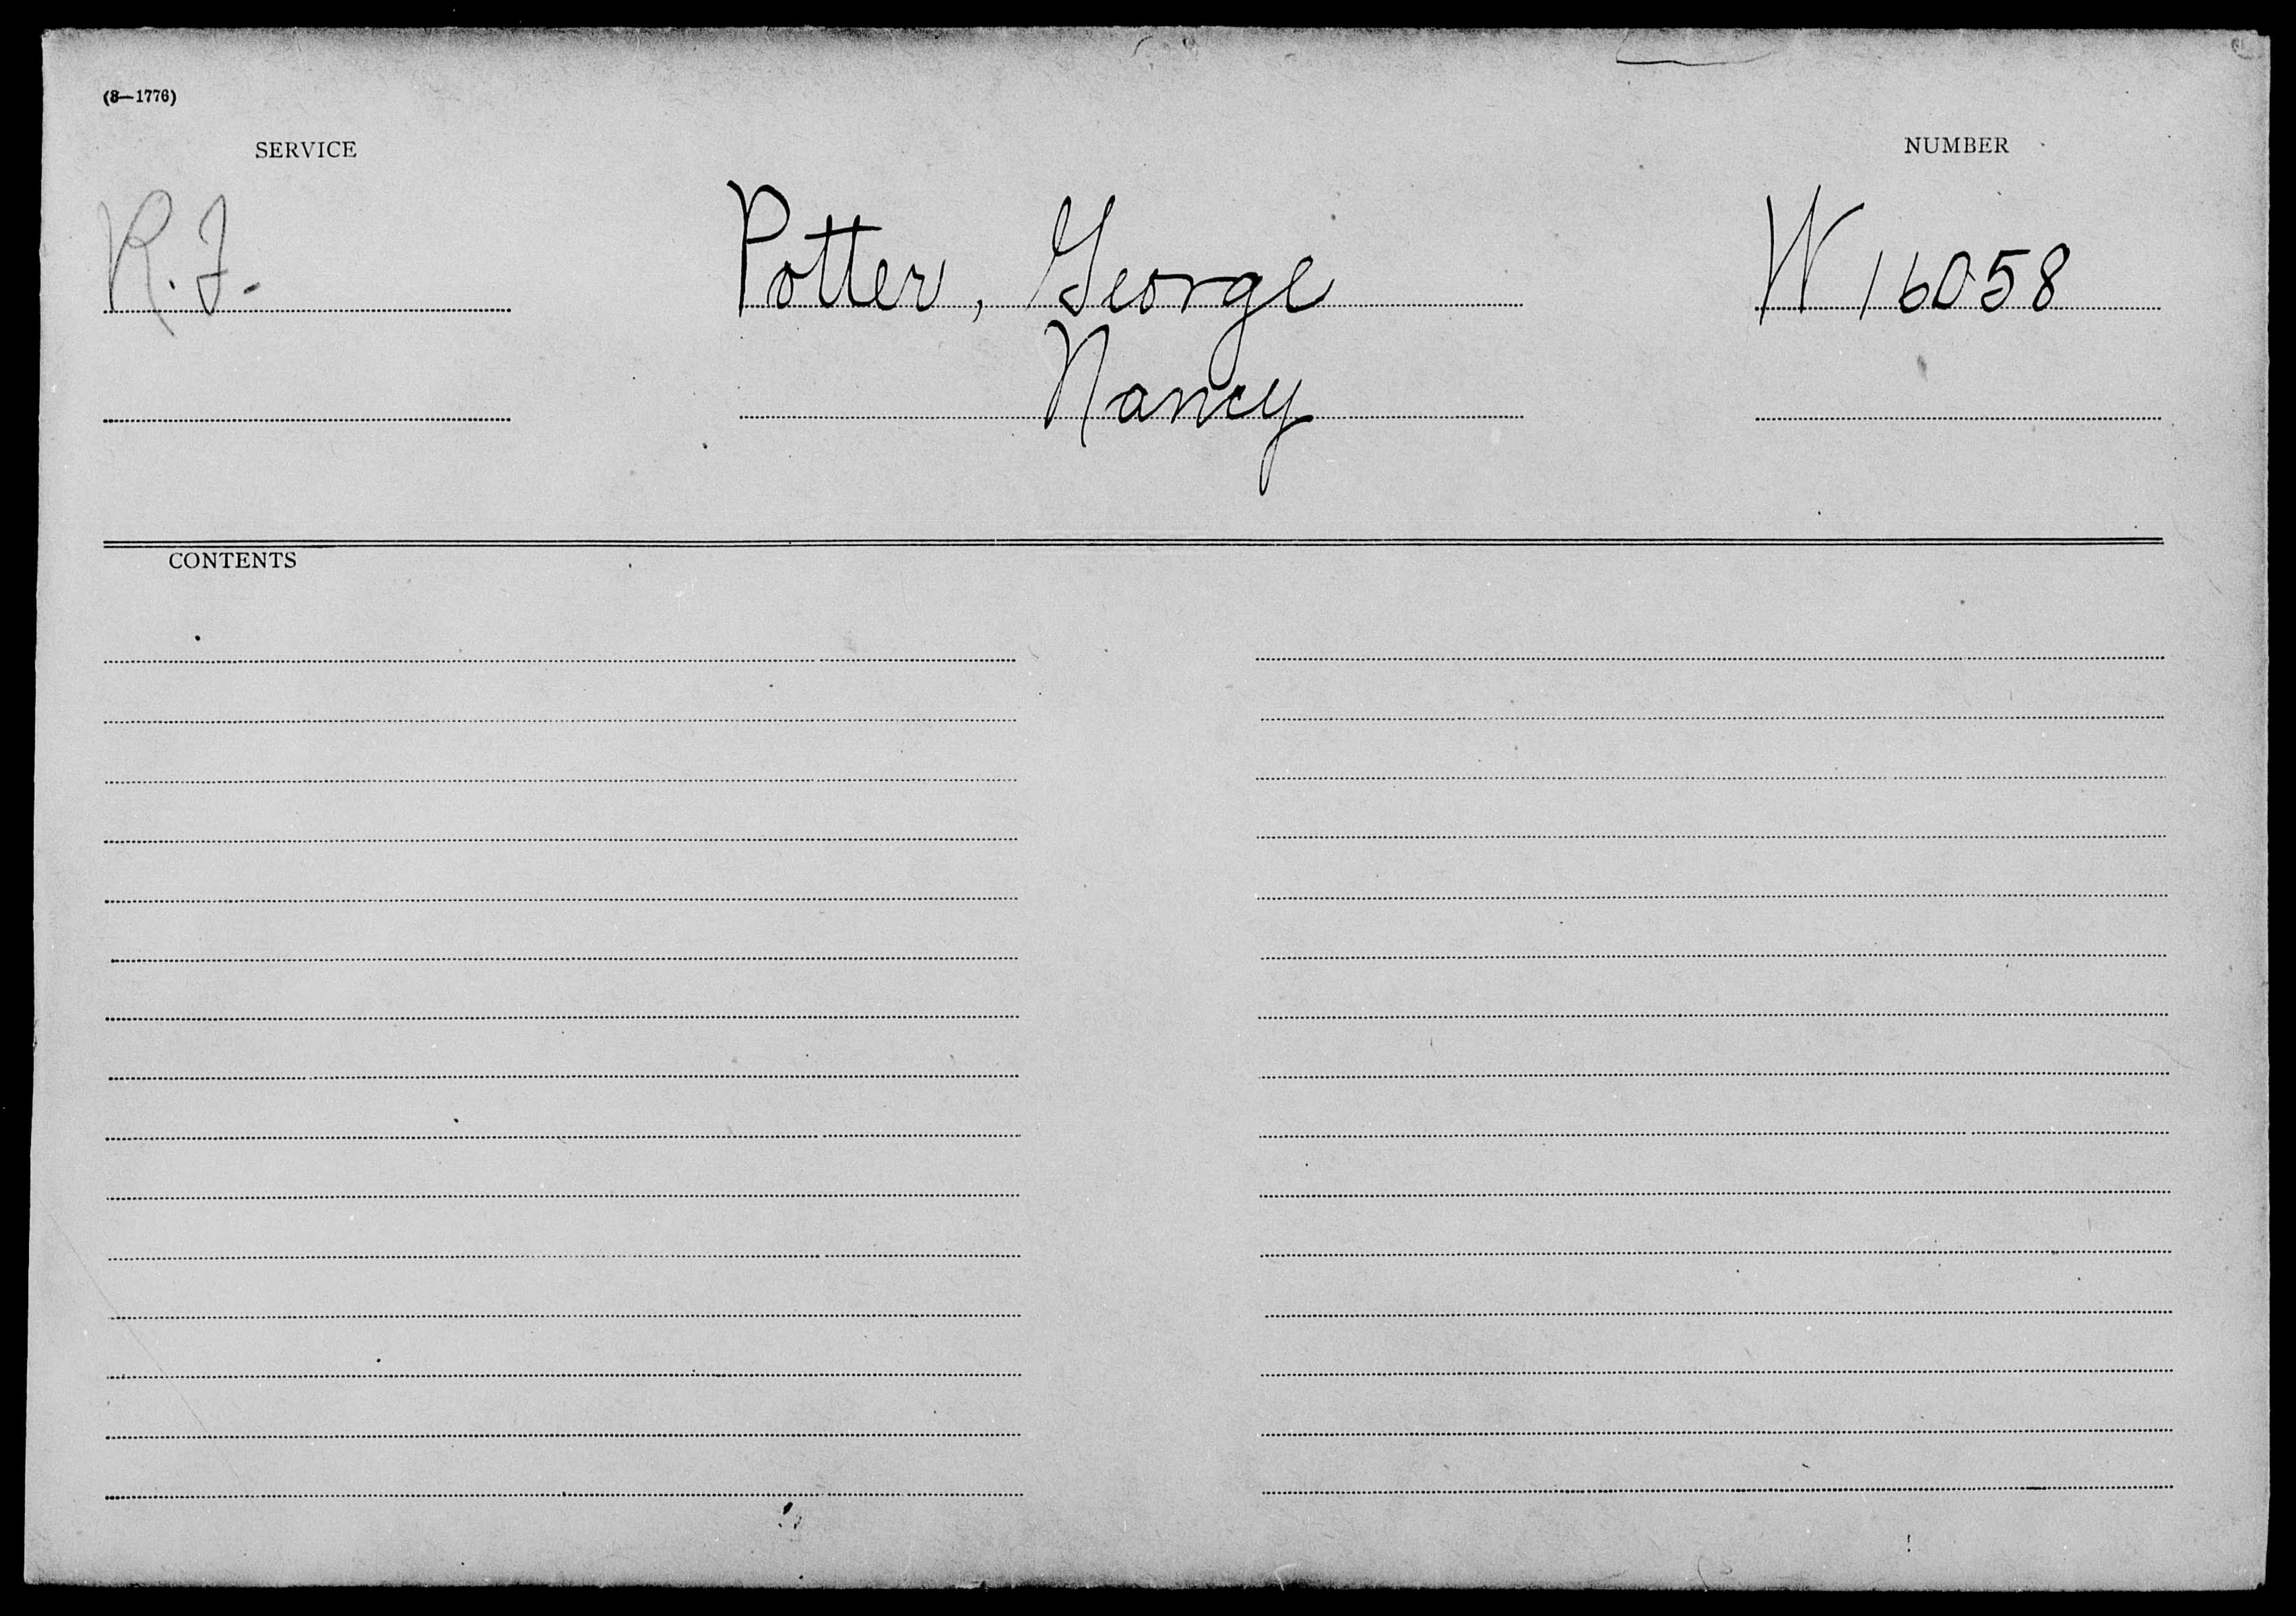Service: R.I.
Potter, George
Nancy
Number: W 16058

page: 1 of 40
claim: widow's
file: W. 16058, for George Potter, Rhode Island